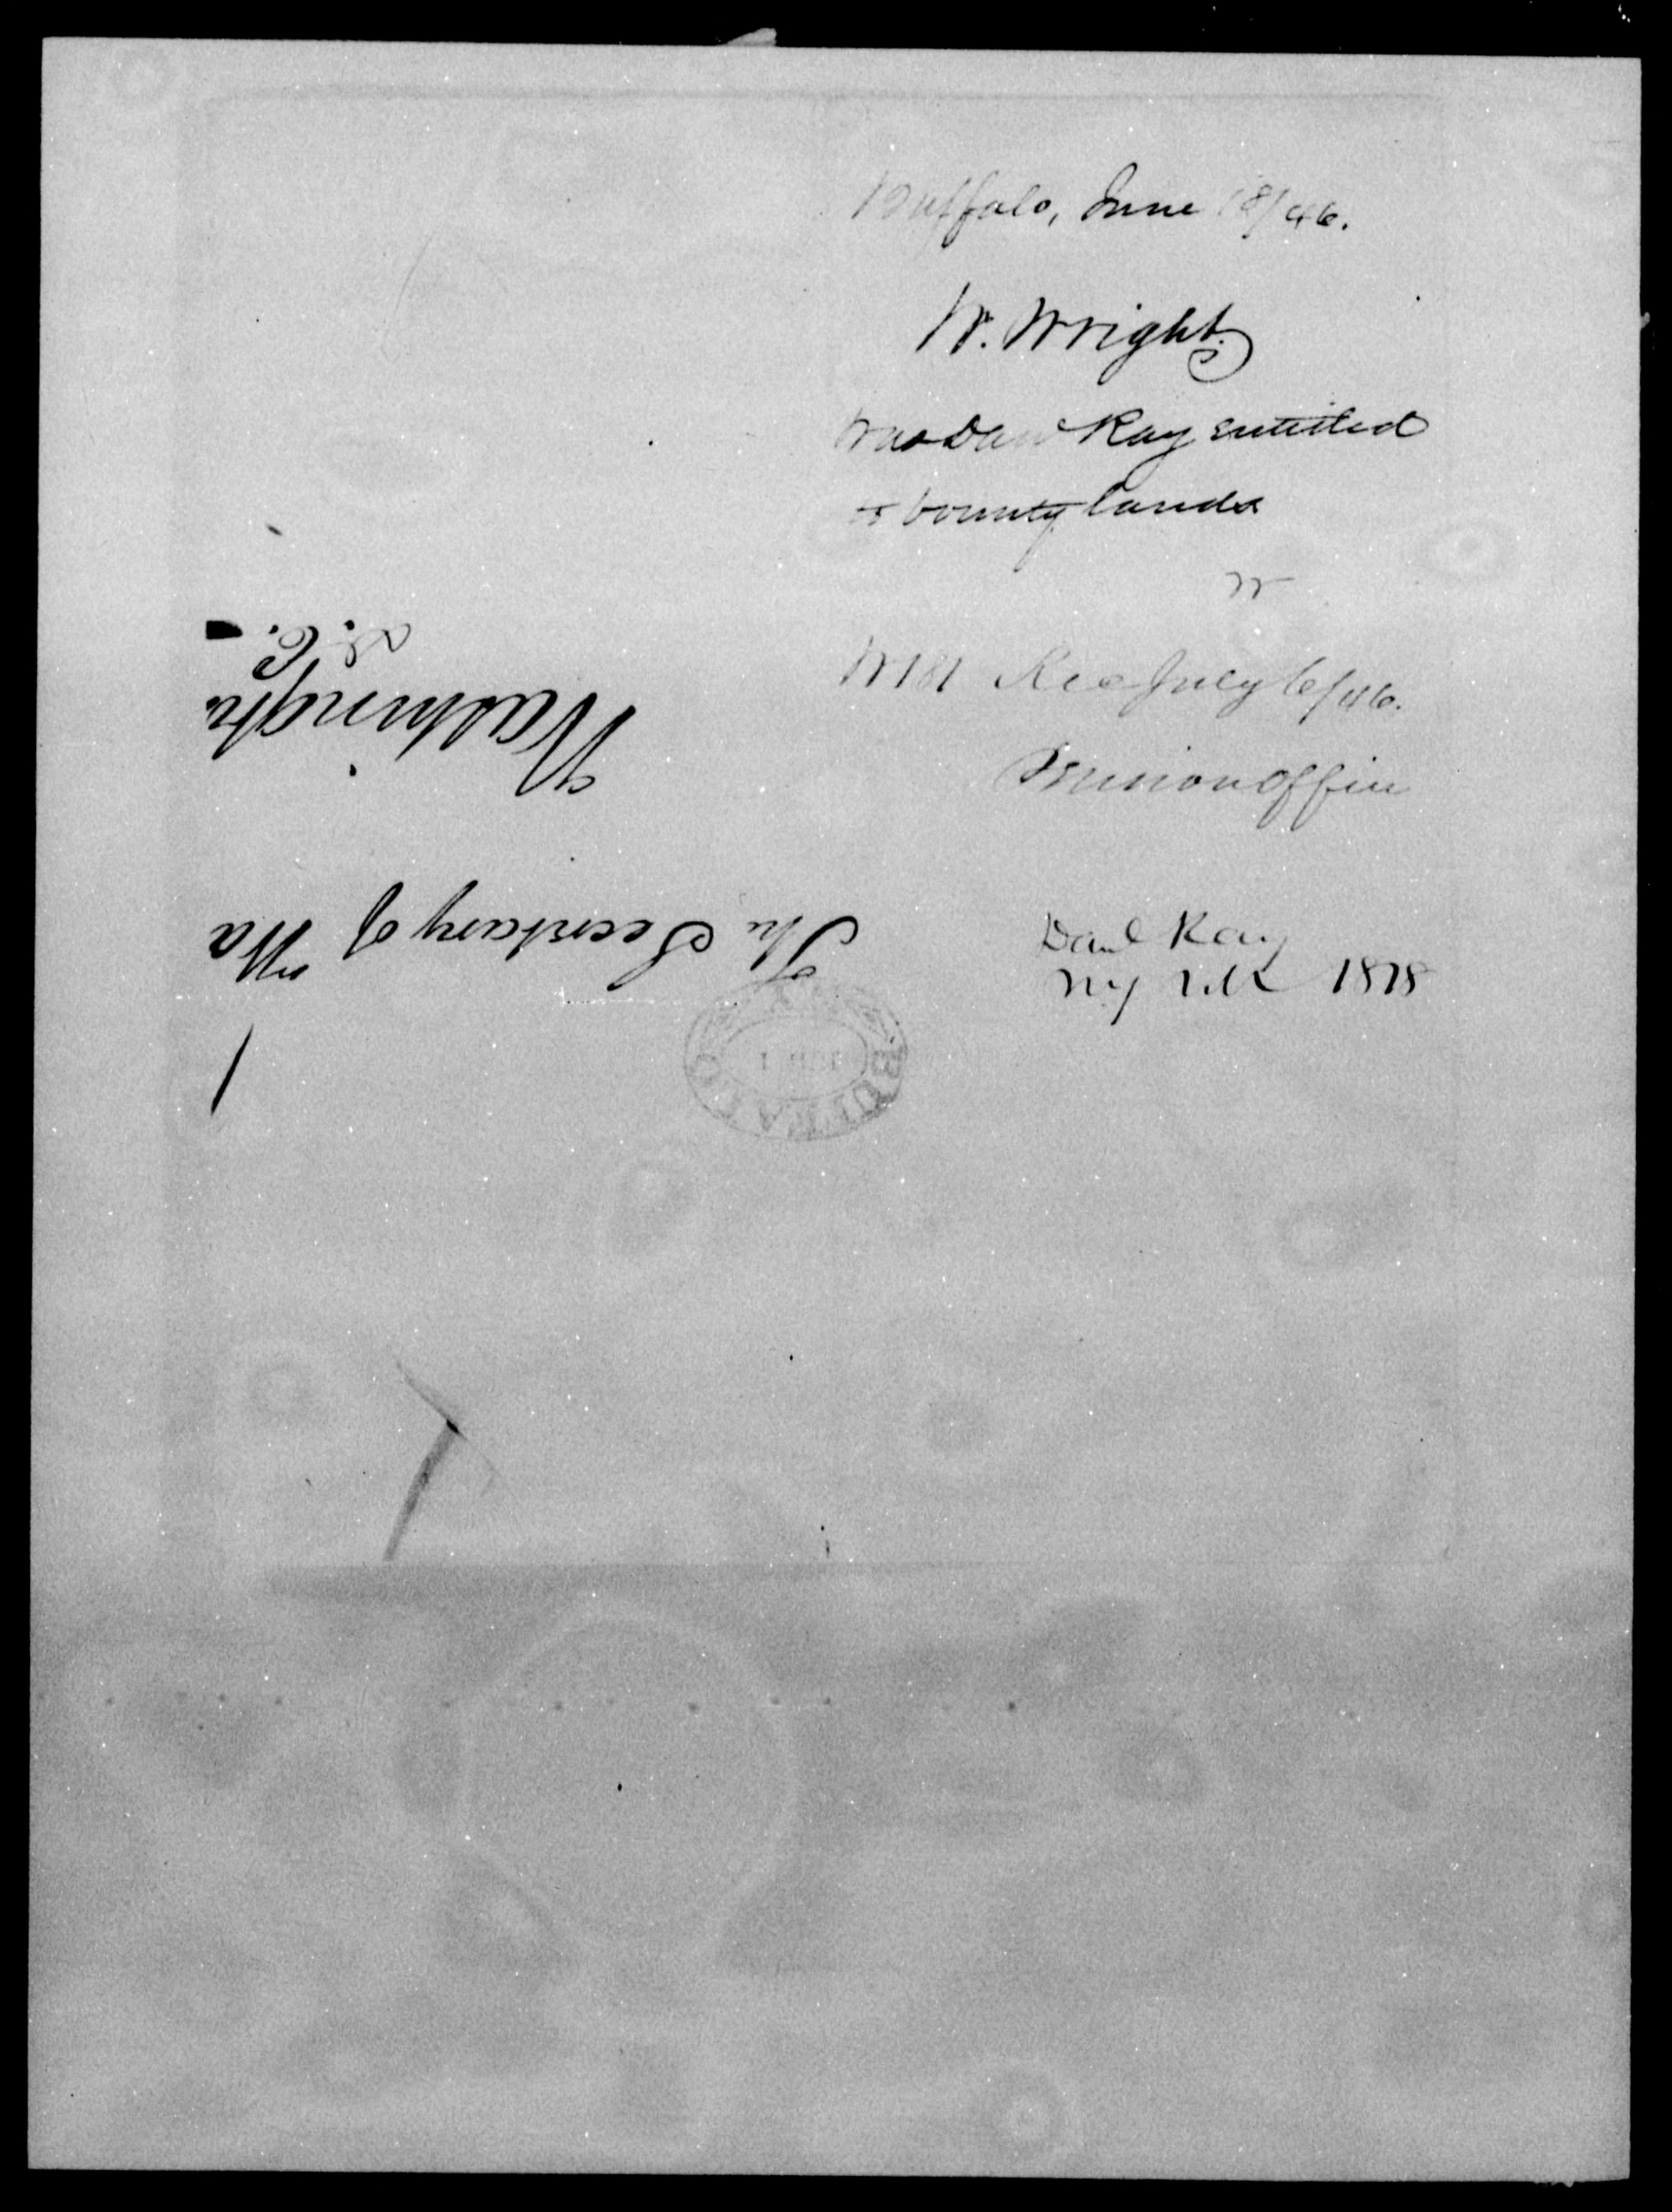Postmark: Buffalo
NY  [date illegible]
The Secretary of War
Washington
D.C.

Buffalo, June 18/46
W. Wright
Mrs Dan Ray Entitled
to bounty lands

1878 Rec. July 6/46
Pension office

Danl Ray
NY roll 1878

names: Danl Ray; W Wright; Danl Ray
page: 4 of 20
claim: survivor's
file: S. 43891, for Daniel Ray, Connecticut